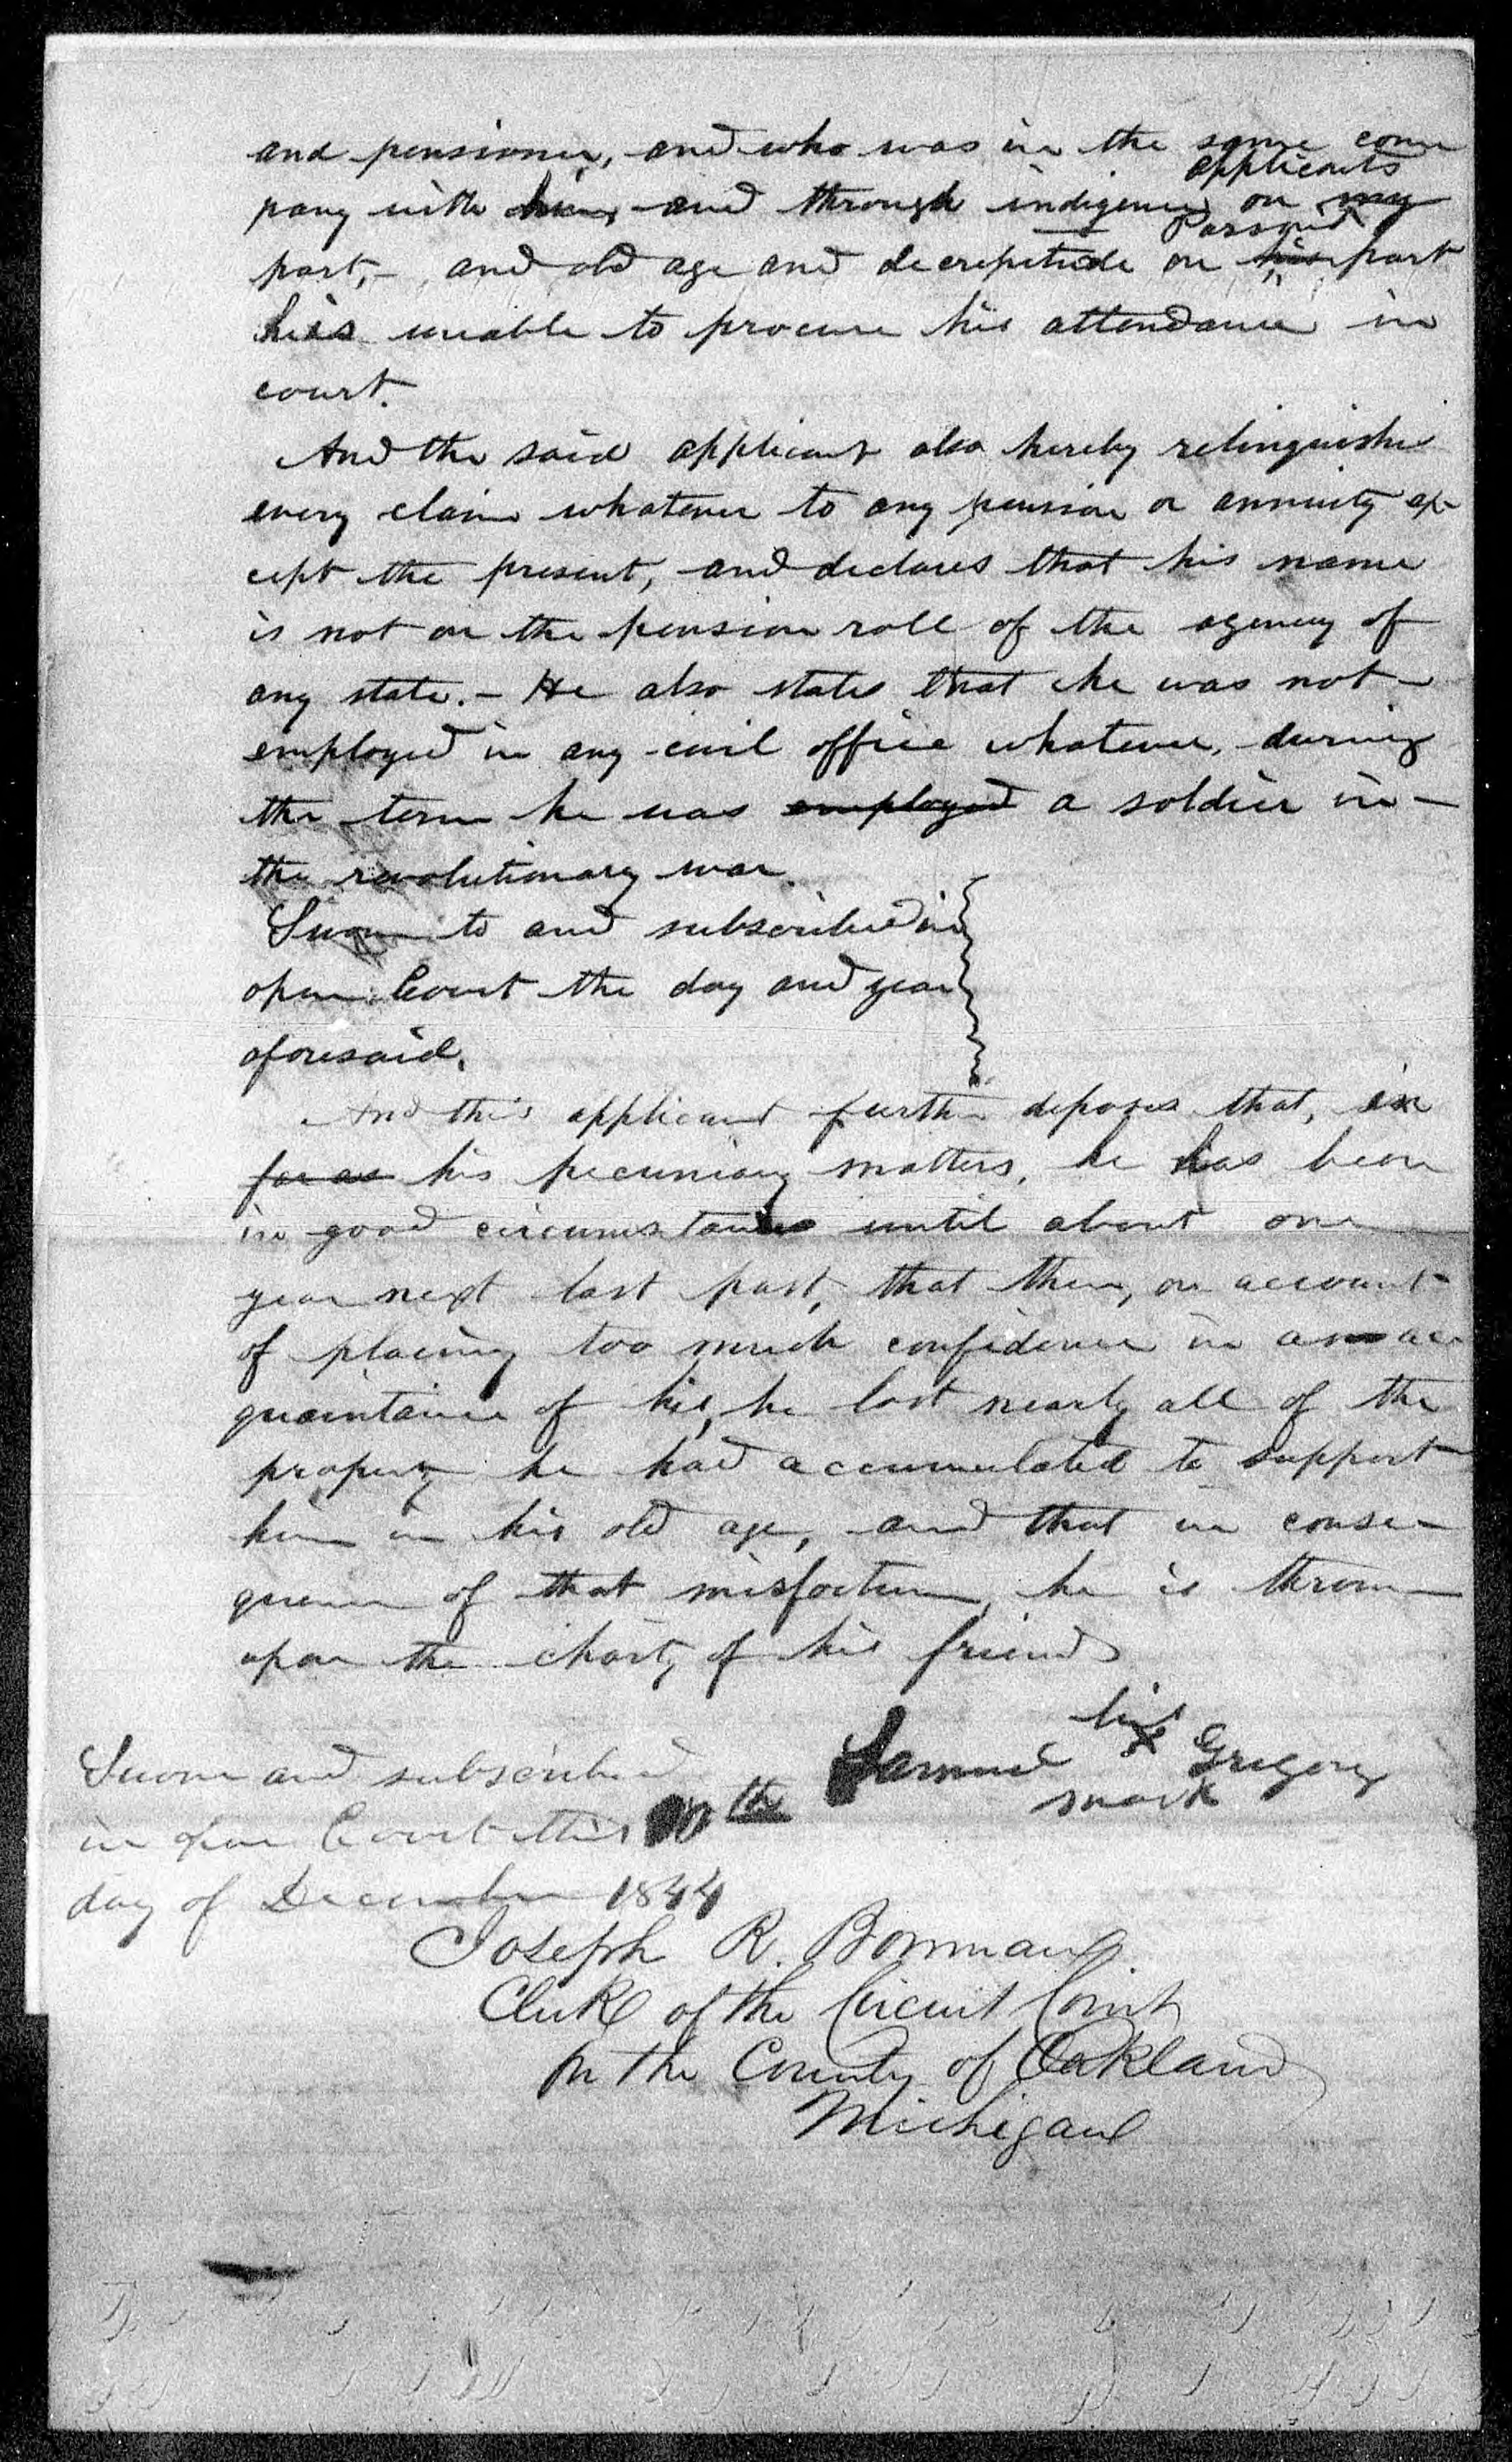and pensioner, and who was in the same company with him and through indigenous applicants on my part, and old age and decrepitude on his part and old age and he's unable to procure his attendance in court.

And the said applicant also hereby relinquishes every claim whatever to any pension or annuity except the present, and declares that his name is not on the pension roll of the agency of any state. He also states that he was not employed in any civil office whatever, during the term he was a soldier in the revolutionary war
Sworn to and subscribed in open court the day and year aforesaid.

And this applicant further deposes that in his pension matters he has been in good circumstances until about one year next last part that then on account of placing too much confidence in an acquaintance of his he lost nearly all of the property he had accumulated to support him in his old age and that in consequence of that misfortune he is [illegible] on the charity of his friends.

[signed] Samuel his X mark Gregory

Sworn & subscribed in open court this 10th day of December 1844

Joseph R Bowman Clerk of the Circuit Court for the County of Oakland Michigan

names: Joseph R Bowman, Samuel Gregory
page: 6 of 66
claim: rejected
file: R. 4298, Samuel Gregory, New York